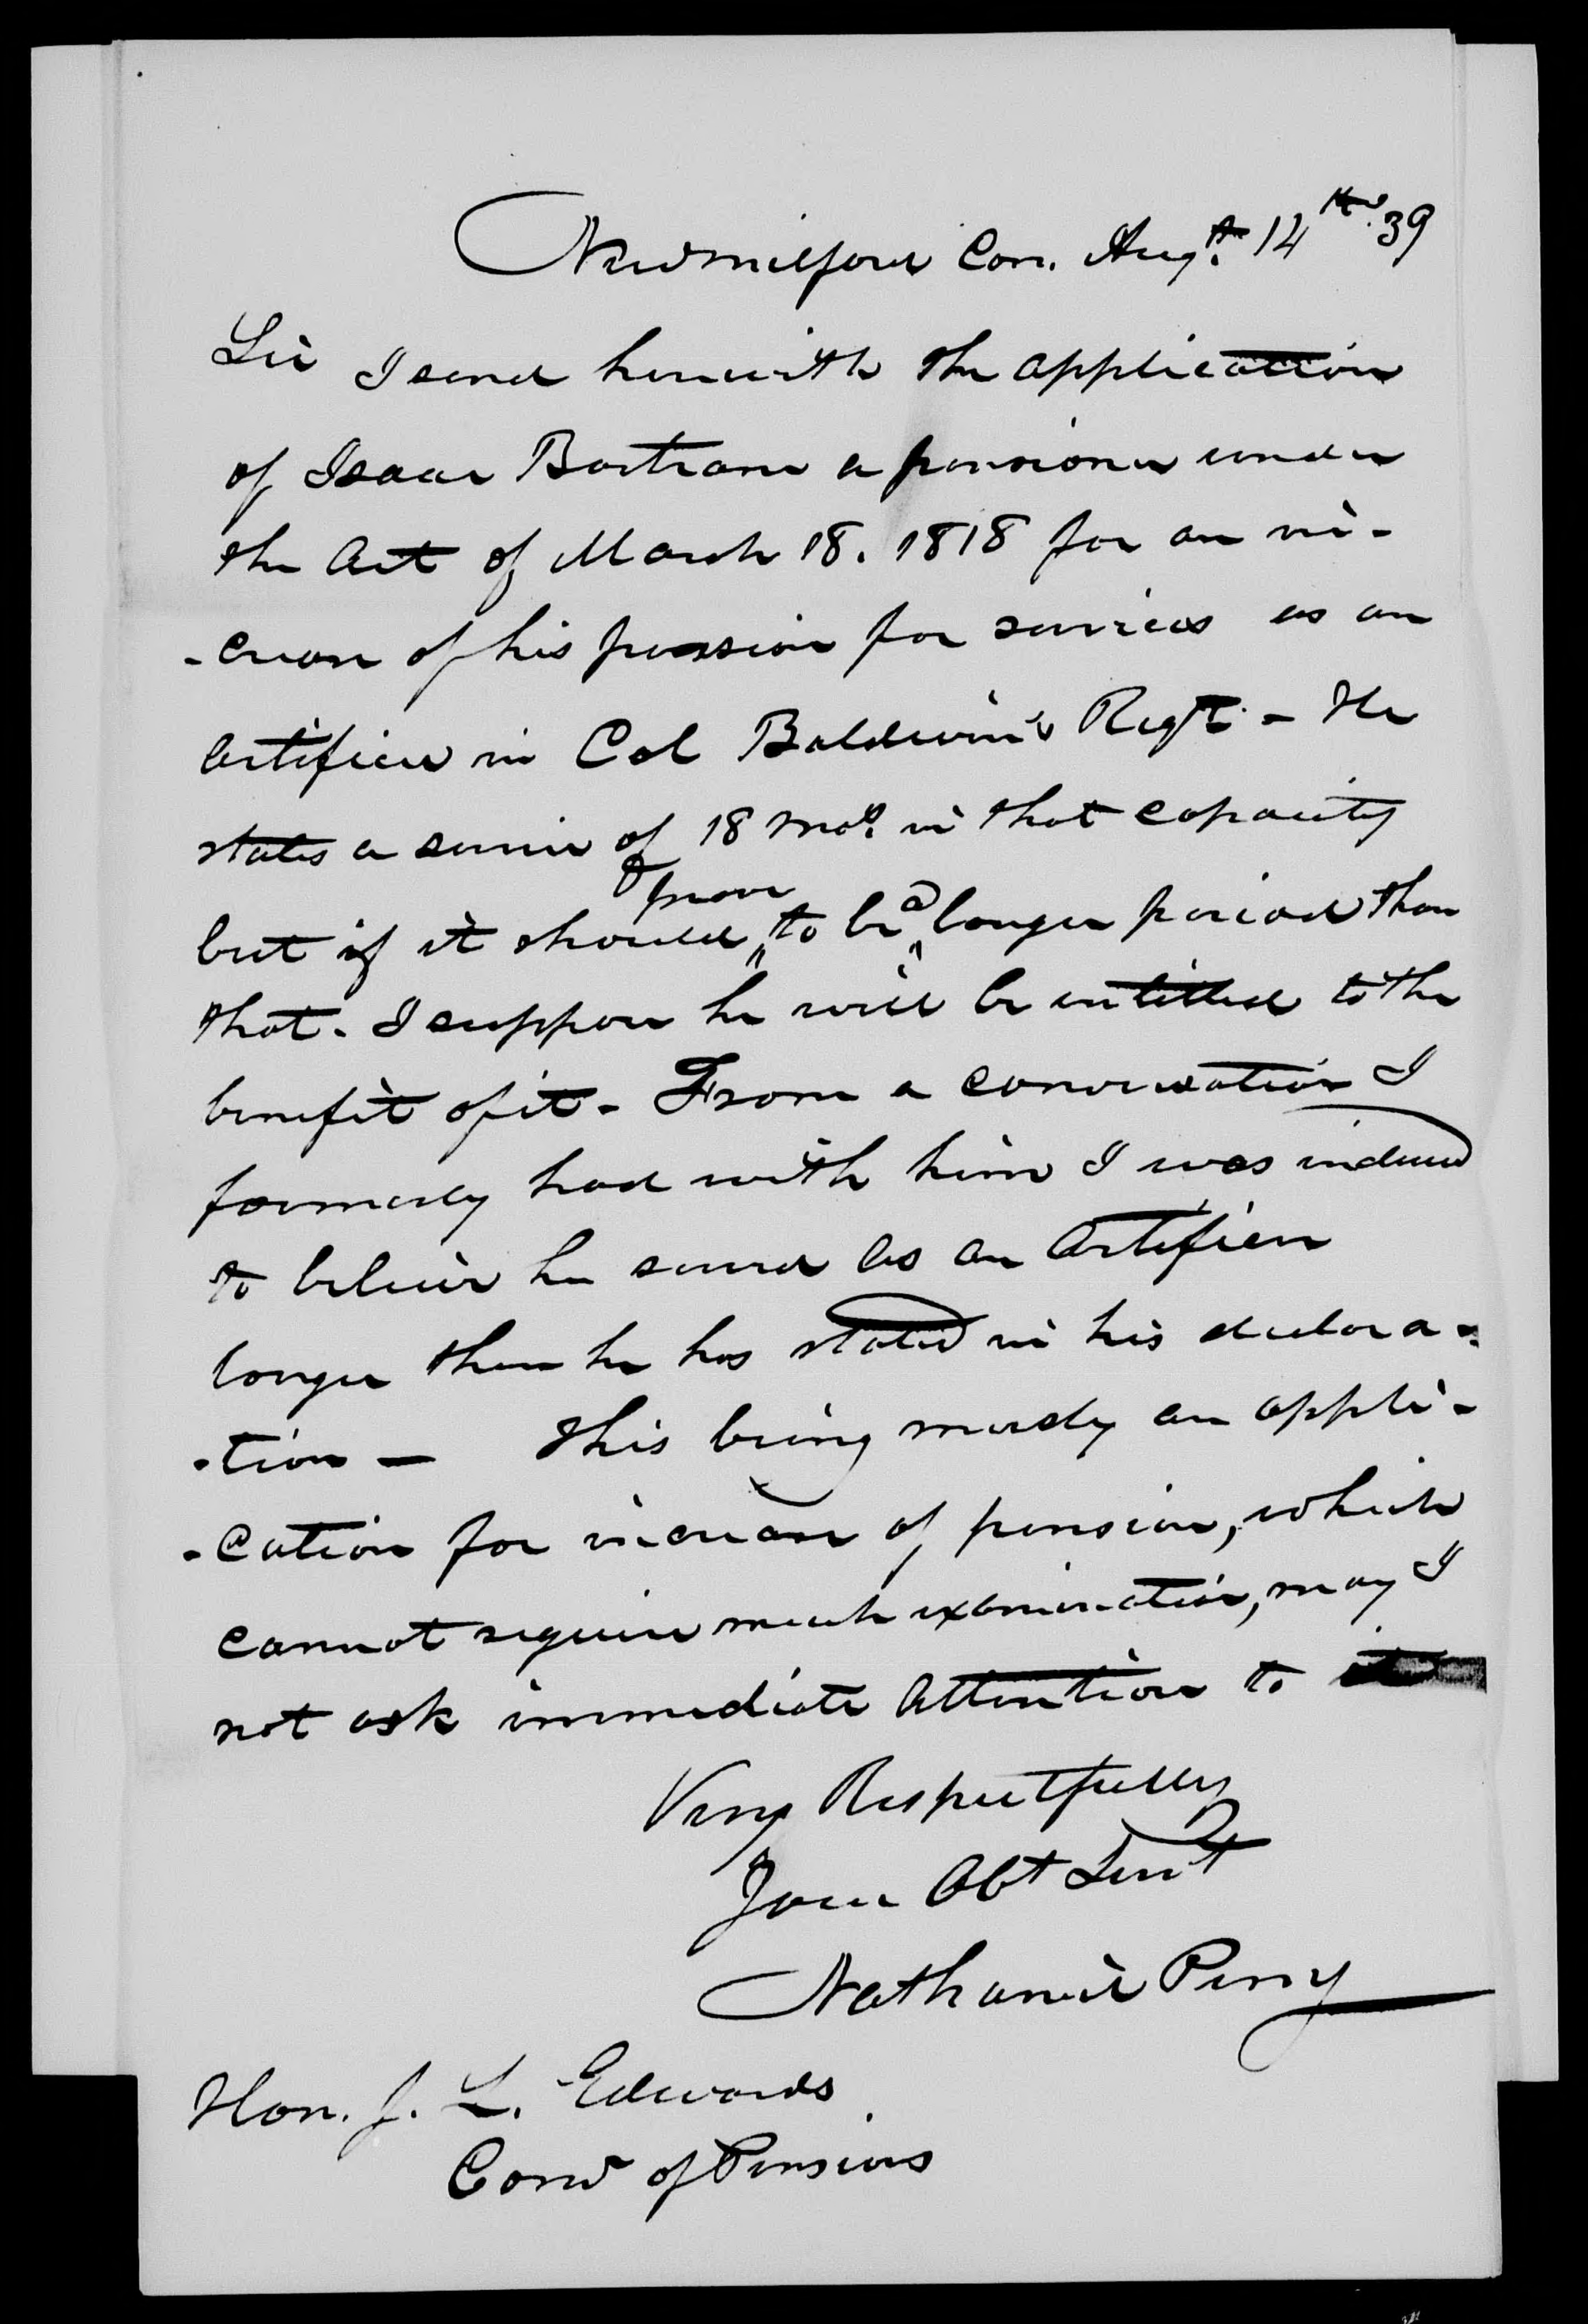Newmilford Con Augt 14th 39
Sir I send herewith the application
of Isaac Bartram a pensioner under the
act of March 18. 1818 for an increase
of his pension for services as an
Artificer in Col Baldwins Regt  He
States a service of 18 mos in that capacity
but if it should prove to be a longer period than
that I suppose he will be entitled to the
benefit of it.  from a conversation I
formerly had with him I was induced
to believe he served as an Artificer
longer then he has stated in his declaration
This being made an application
 for increase of pension, which
cannot require much examination, may I
not ask immediate attention to
Very Respectfully
Jour Obt Sevt
Nathaniel Perry

Hon. J. L. Edwards
Comr of Pensions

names: Nathaniel Perry, Isaac Bartram, J L Edwards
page: 23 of 39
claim: survivor's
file: S. 12110, Isaac Bartram, Continental (Conn)